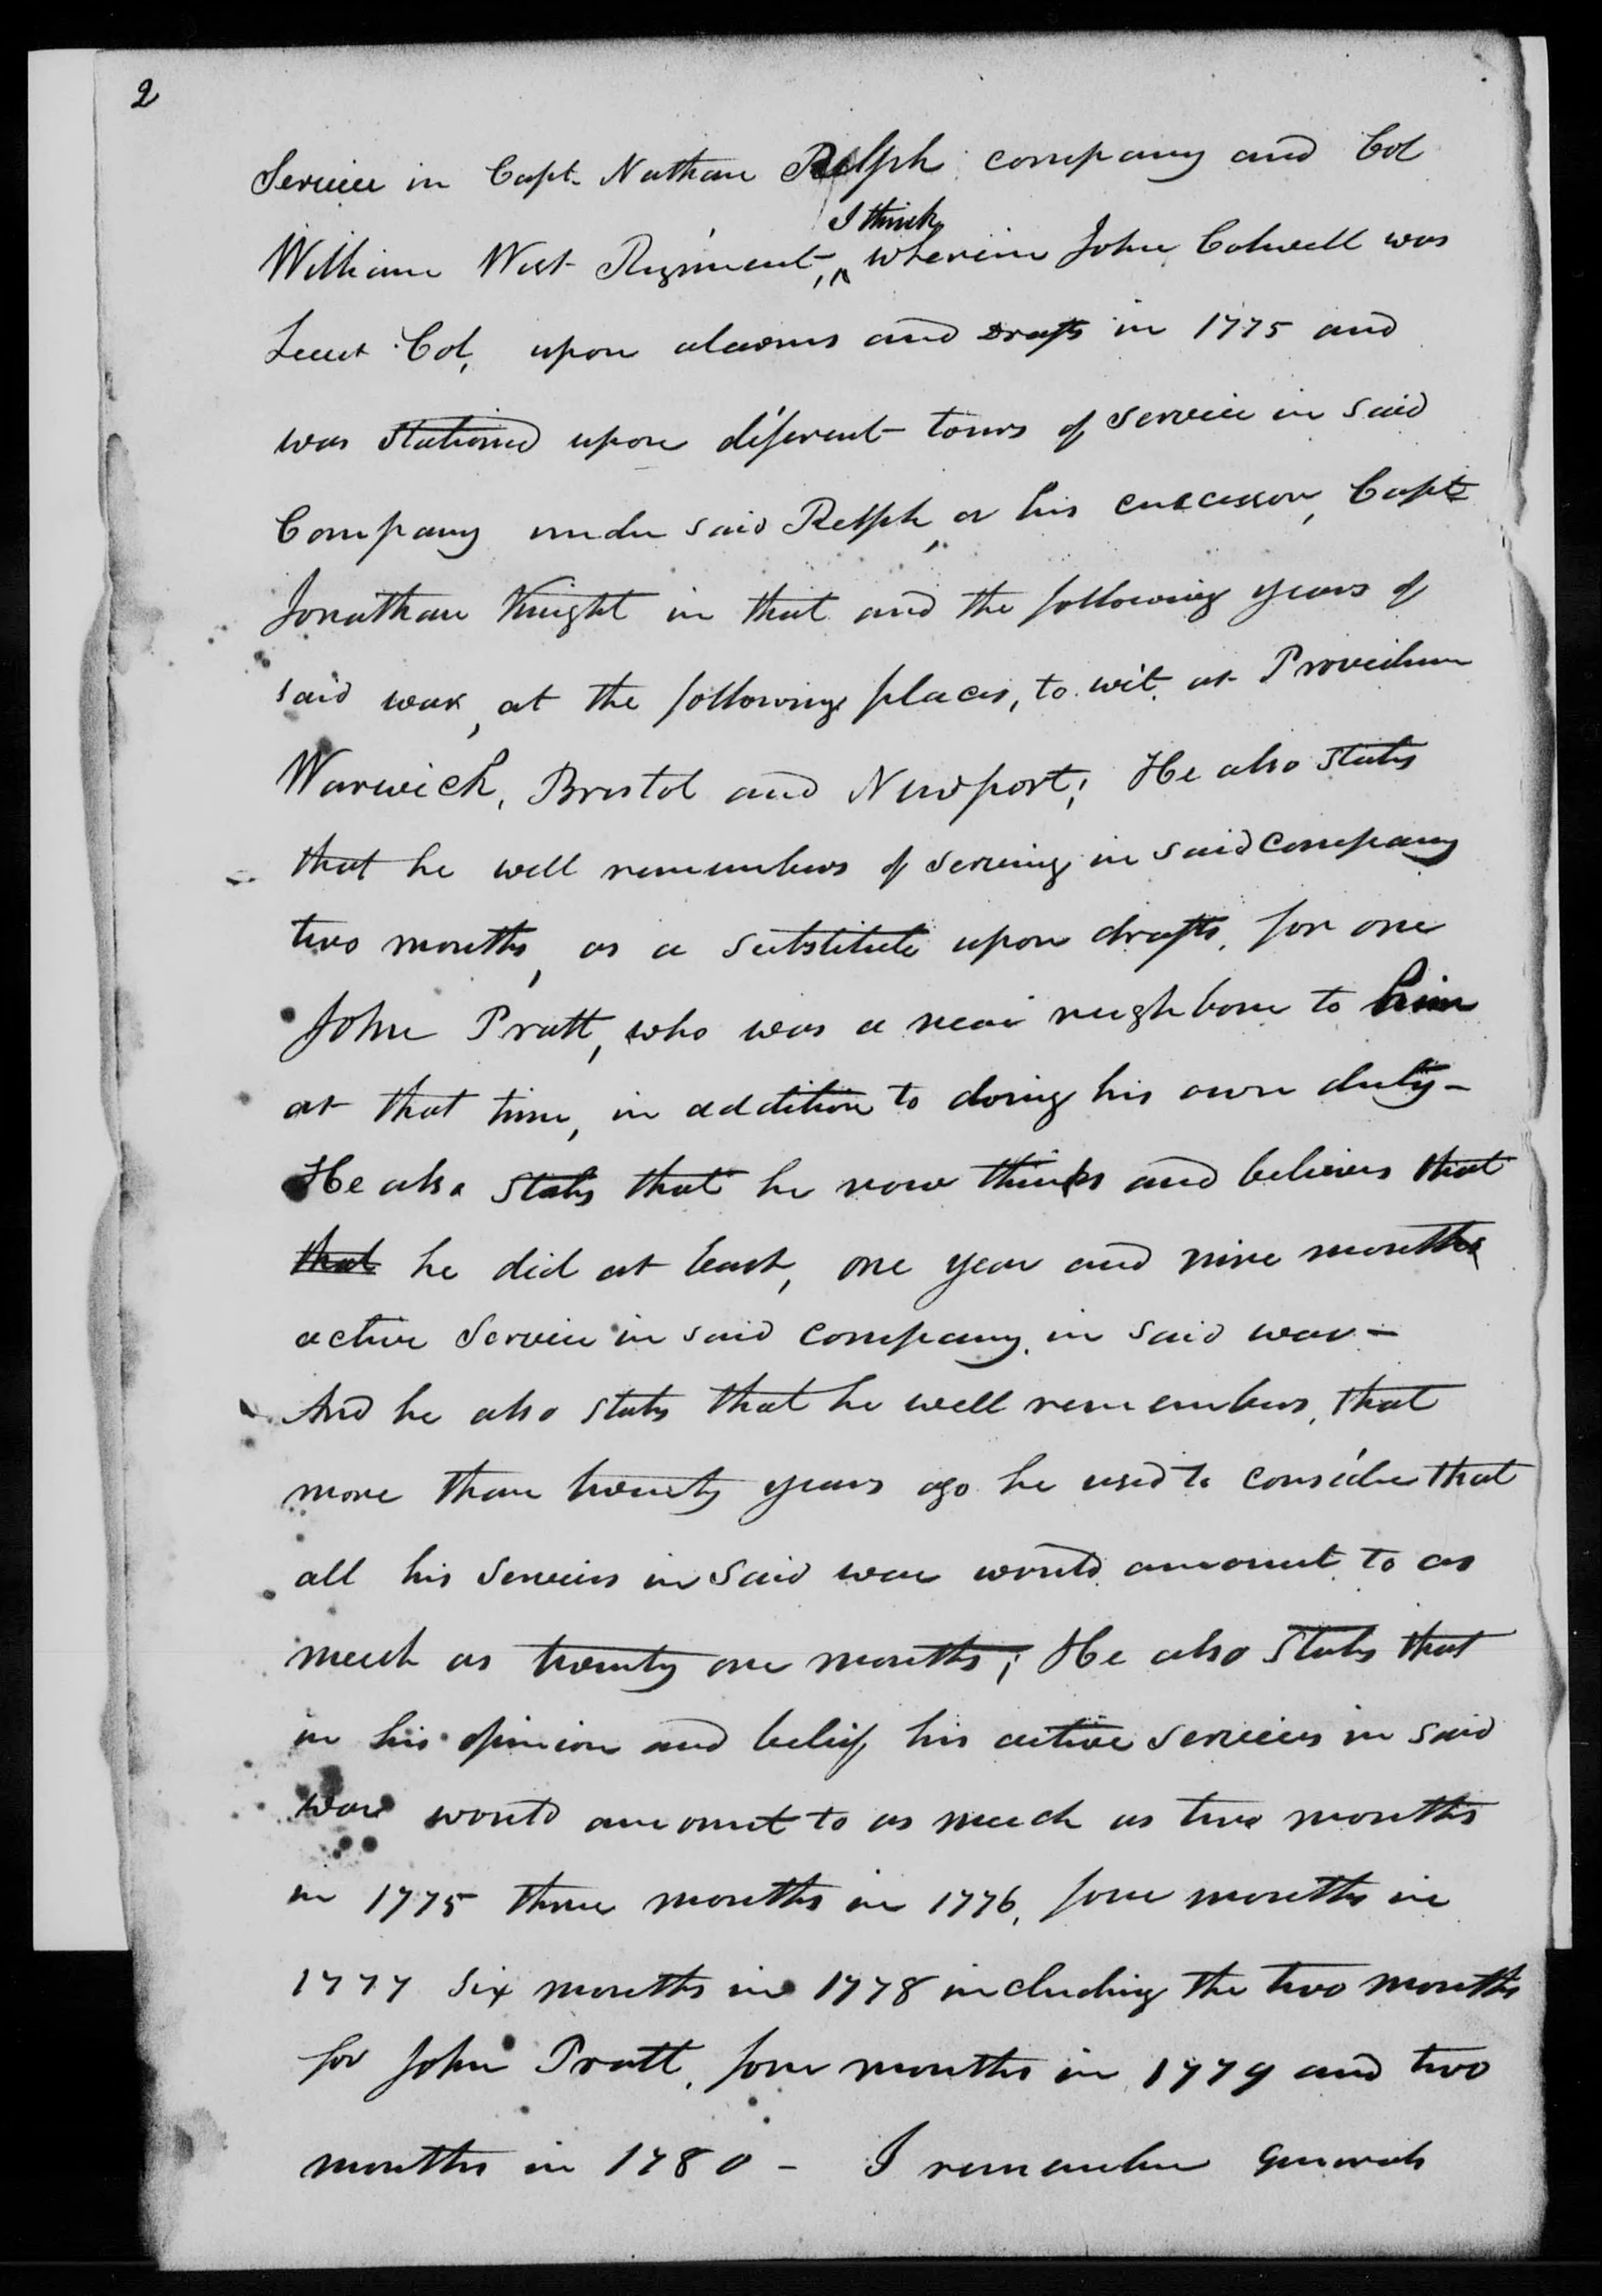Service in Capt Nathan Ralph Company and Col William West Regiment [inserted text: I think] wherein John Colwell was
Lieut Col upon alarms and Drafts in 1775 and
was stationed upon diferent tours of service in said Company under said Ralph or his succesor Capt Jonathan Knight in that and the following years of said war at the following places, to wit at Providence Warwick, Bristol and Newport. He also states that he well remembers of serving in said company two months as a substitute upon drafts, for one
John Pratt who was a near neighbor to him
at that time, in addition to doing his own duty-
He also states that he now thinks and believes that [struck out: that] he did at least, one year and nine months active service in said company in said war -
And he also states that he well remembers that
more than twenty years ago he used to consider that all his services in said war would amount to as much as twenty one months. He also states that in his opinion and belief his active services in said war would amount to as much as two months in 1775 three months in 1776, four months in 1777 Six months in 1778 including the two months for John Pratt, four months in 1779 and two months in 1780-
I remember General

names: John Pratt, Jonathan Knight, John Pratt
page: 4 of 29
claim: survivor's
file: S 21602, Jeremiah Andrew, R.I.